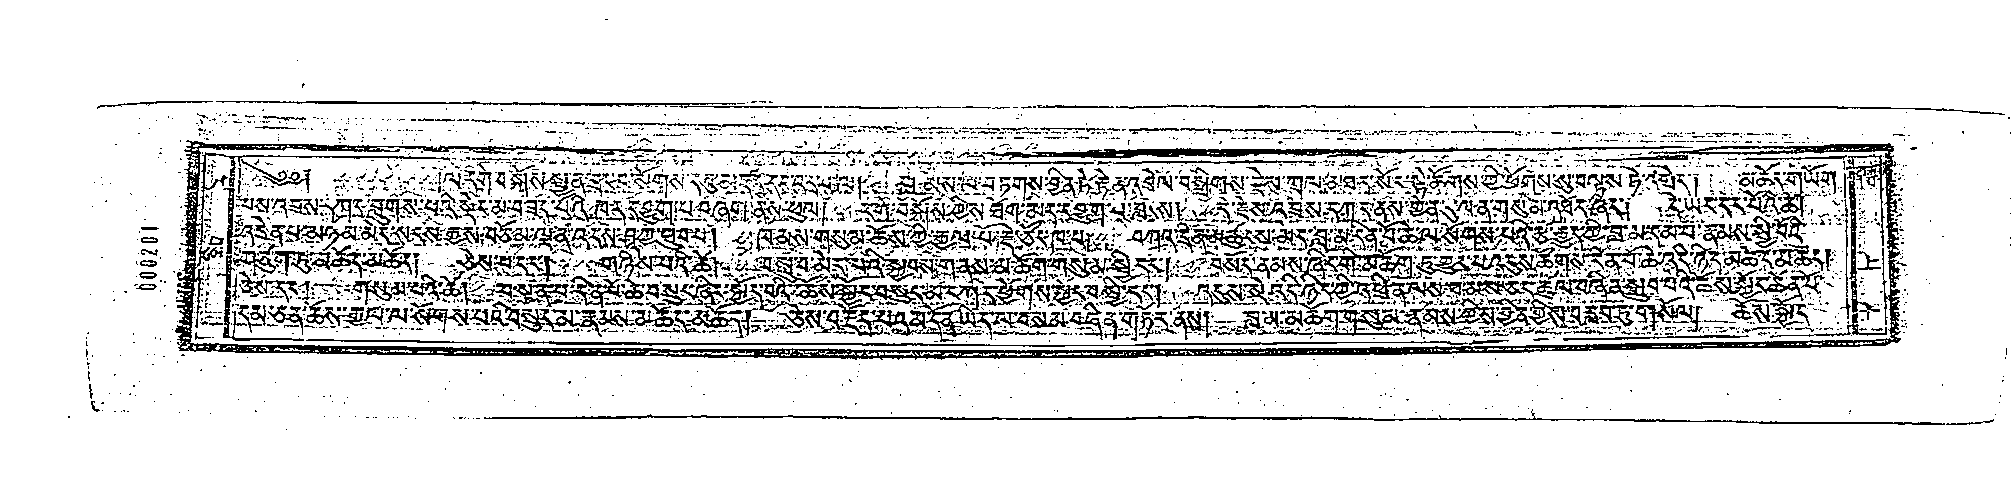༄༅། །ལ་དགེ་བསྐོས་སྤྱན་དྲང་བ་སོགས་དབུ་མཛད་དང་འདྲ་བ་ལ། བླ་མས་ཁ་བཏགས་བྱིན་ཏེ་རྟེན་འབྲེལ་བསྒྲིགས་རྗེས་གྲལ་མཐར་སོང་སྟེ་ཚོགས་ཀྱི་ཕྱོགས་སུ་བལྟས་ཏེ་འགྲེང་། མཆོད་གཡོག་
པས་འབྲས་དཀར་བླུགས་པའི་སྡེར་མ་བཟད་པོའི་ཁར་དབྱུག་པ་བཞག་ནས་ཕུལ། དགེ་བསྐོས་ཀྱིས་ཐོག་མར་དབྱུག་པ་བླངས། དེ་རྗེས་འབྲས་དཀར་ནས་གྱེན་དུ་ལན་གསུམ་འཐོར་ཞིང་། དེ་ཡང་དང་པོའི་ཚེ།
འདྲེན་པ་མཉམ་མེད་སངས་རྒྱས་བཅོམ་ལྡན་འདས་ཤཱཀྱ་ཐུབ་པ། ཁམས་གསུམ་ཆོས་ཀྱི་རྒྱལ་པོ་རྗེ་ཙོང་ཁ་པ། བཀའ་དྲིན་མཚུངས་མེད་བླ་མ་རིན་པོ་ཆེ་ལ་སོགས་པའི་རྩ་རྒྱུད་ཀྱི་བླ་མ་དམ་པ་རྣམས་སྤྱི་བོའི་
གཙུག་ཏུ་མཆོད་མཆོད། ཅེས་པ་དང་། གཉིས་པའི་ཚེ། བསླུ་བ་མེད་པའི་སྐྱབས་གནས་མཆོག་གསུམ་སྤྱི་དང་། བསོད་ནམས་ཞིང་གི་མཆོག་ཏུ་གྱུར་པ་འདུས་ཚོགས་རིན་པོ་ཆེ་འདི་ཉིད་མཆེད་མཆད།
ཅེས་དང་། གསུམ་པའི་ཚེ། བསྟན་པ་རིན་པོ་ཆེ་བསྲུང་ཞིང་སྐྱོད་བའི་ཆོས་སྐྱོང་བསྲུང་མ་དཀར་ཕྱོགས་སྐྱོང་བ་སྤྱི་དང་། འདུས་སྡེ་འདི་ཉིད་ཀྱི་འཕྲིན་ལས་ཐམས་ཅད་ཚུལ་བཞིན་སྒྲུབ་པའི་ཆོས་སྐྱོང་ཆེན་པོ་
དམ་ཅན་ཆོས་རྒྱལ་ལ་སོགས་པའི་བསྲུང་མ་རྣམས་མཆོད་མཆོད། ཅེས་བརྗོད་པའམ་དོན་ཡིད་ལ་བསམ་བཞིན་གཏོར་ནས། བླ་མ་མཆོག་གསུམ་རྣམས་ཀྱིས་བྱིན་གྱིས་བརླབ་ཏུ་གསོལ། ཆོས་སྐྱོང་